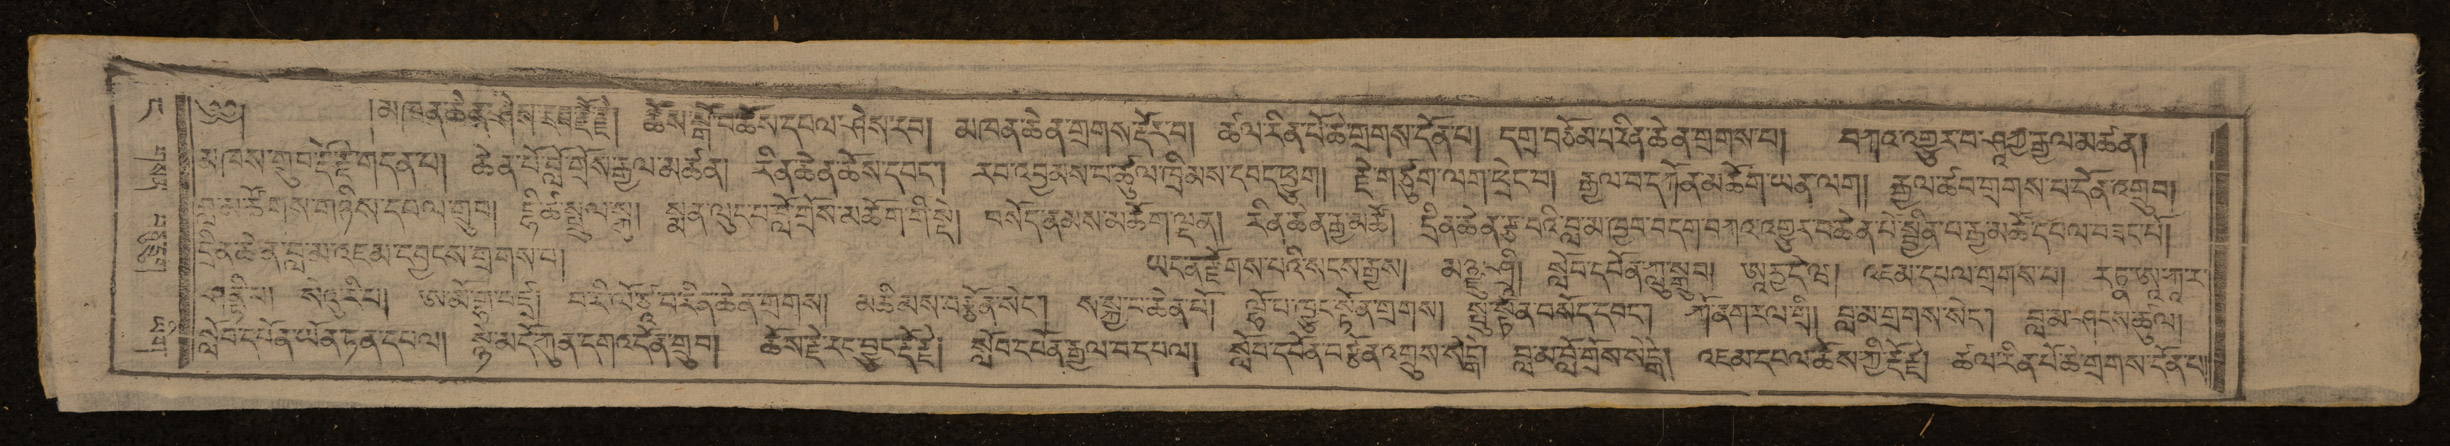༄༅། །མཁན་ཆེན་ཤེས་རབ་རྡོ་རྗེ། ཆོས་སྒོ་བ་ཆོས་དཔལ་ཤེས་རབ། མཁན་ཆེན་གྲགས་རྡོར་བ། ཚལ་རིན་པོ་ཆེ་གྲགས་དོན་པ། དགྲ་བཅོམ་པའི་ན་ཆེན་གྲགས་པ། བཀའ་འགྱུར་བ་ཤཱཀྱ་རྒྱལ་མཚན།
མཁས་གྲུབ་རྡོ་རྗེ་གདན་པ། ཆེན་པོ་བློ་གྲོས་རྒྱལ་མཚན། རིན་ཆེན་ཆོས་དབང་། རབ་འབྱམས་པ་ཚུལ་ཁྲིམས་དབང་ཕྱུག། རྗེ་གཙུག་ལག་ཕྲེང་བ། རྒྱལ་བ་དཀོན་མཆོག་ཡན་ལག། རྒྱལ་ཚབ་གྲགས་པ་དོན་འགྲུབ།
བླ་མ་ཚོགས་གཉིས་དཔལ་གྲུབ། དྷི་ཚ་སྤྲུལ་ཁ་སྐུ། སྨན་ལུང་བ་བློ་གྲོས་མཆོག་གི་སྡེ། བསོད་ནམས་མཆོག་ལྔ་ན། རིན་ཆེན་རྒྱ་མཚོ། དྲིན་ཆེན་རྩ་བའི་བླ་མ་ཁྱབ་བདག་བཀའ་འགྱུར་བ་ཆེན་པོ་སྦྱིན་བརྒྱ་མཚོ་དཔལ་བཟང་པོ།
དྲིན་ཆེན་བླ་མ་འཇམ་དབྱངས་གྲགས་པ། ཡང་ན་རྫོགས་པའི་སངས་རྒྱས། མཉྫུ་ཤྲི། སློབ་དཔོན་ཀླུ་སྒྲུབ། ཨཱ་རྱ་དེ་ཝ། འཇམ་དཔལ་གྲགས་པ། རྟ་ཨཱ་ཀཱ་ར་
ཤ་ནྟི་པ། སེའུ་རི་པ། ཨ་མོ་གྷ་བཛྲ། བ་རི་ལོ་ཙཱ་བ་རིན་ཆེན་གྲགས། མཆིམས་བརྩོན་སེང་། ས་སྐྱ་བ་ཆེན་པོ། ལྷོ་པ་ཁྱུང་སྟོན་གྲགས། སྤུ་སྟོན་བསོད་དབང་། ཀོ་ནག་རལ་གྲི། བླ་མ་གྲགས་སེང་། བླ་མ་ཤངས་ཚུལ།
སློབ་དཔོན་ཡོན་ཏན་དཔལ། སྙེ་མདོ་ཀུན་དགའ་དོན་གྲུབ། ཆོས་རྗེ་རང་བྱུང་རྡོ་རྗེ། སློབ་དབོན་རྒྱ་བ་དཔལ། སློབ་དཔོན་བརྩོན་འགྲུས་སེངྒེ། བླ་མ་བློ་གྲོས་སེངྒེ། འཇམ་དཔལ་ཆོས་ཀྱི་རྡོ་རྗེ། ཚལ་རིན་པོ་ཆེ་གྲགས་དོན་པ་